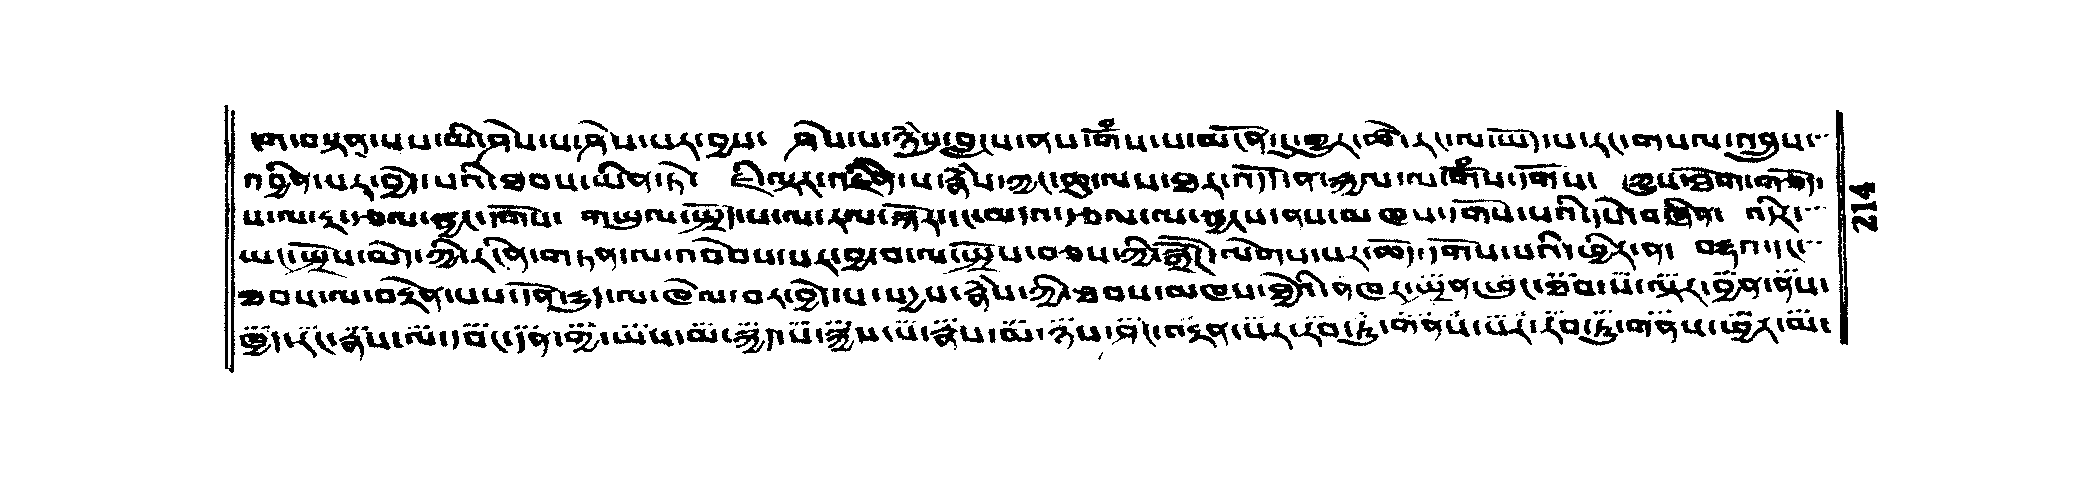དག་བསྟན་པས་མི་ཤེས་པ་ཤེས་པར་བྱས། ཤེས་པ་ཉམས་སུ་བླངས་ནས་གོམས་པ་མངོན་དུ་གྱུར་ཚེ་རང་ལ་ཡོད་པ་རང་གསལ་འབྲས་བུ་
འབྱིན་པར་བྱེད་པའི་ཐབས་ཡིན་ཏེ། ཇི་ལྟར་འཇིག་རྟེན་པ་རྣམས་ཀྱང་ཆུ་ལས་ཐར་འདོད་ན་རྐྱལ་ལ་གོམས་དགོས། དཀྱུས་ཐོག་གཅོད་
པ་ལ་རྟ་རྩལ་སྦྱང་དགོས། གཡུལ་སྤྲོད་པ་ལ་རལ་སྐོར་དང་མདའ་རྩལ་ལ་སྦྱངས་ནས་མཁས་དགོས་པའི་དཔེ་བཞིན། འདིར་
ཡང་སྤྲོས་མེད་ཀྱི་རང་བཞིན་གཏན་ལ་འབེབས་པར་བྱ་ལ་སྤྲོས་བཅས་ཀྱི་སྒྲོགས་ལེགས་པར་ཆོད་དགོས་པའི་ཕྱིར་ན། བརྡ་དང་
ཐབས་ལ་བརྟེན་པས་དོན་རྒྱུད་ལ་ཁེལ་བར་བྱེད་པ་སངས་རྒྱས་རྣམས་ཀྱི་ཐབས་མཁས་ཐུགས་རྗེའི་མཁར་སྤྲན་ཕུང་ཐབས་ལྟར་བྱན་ནས་
ཁྱད་རང་རྣམས་ལ་དབང་དན་གྱི་ཡས་མ་སྐྱེས་པ་རྣམ་མ་ཉས་ཤིང་བརྟན་པར་རབ་ཏུ་གནས་པར་རབ་ཏུ་གནས་ཕྱིར་མ་